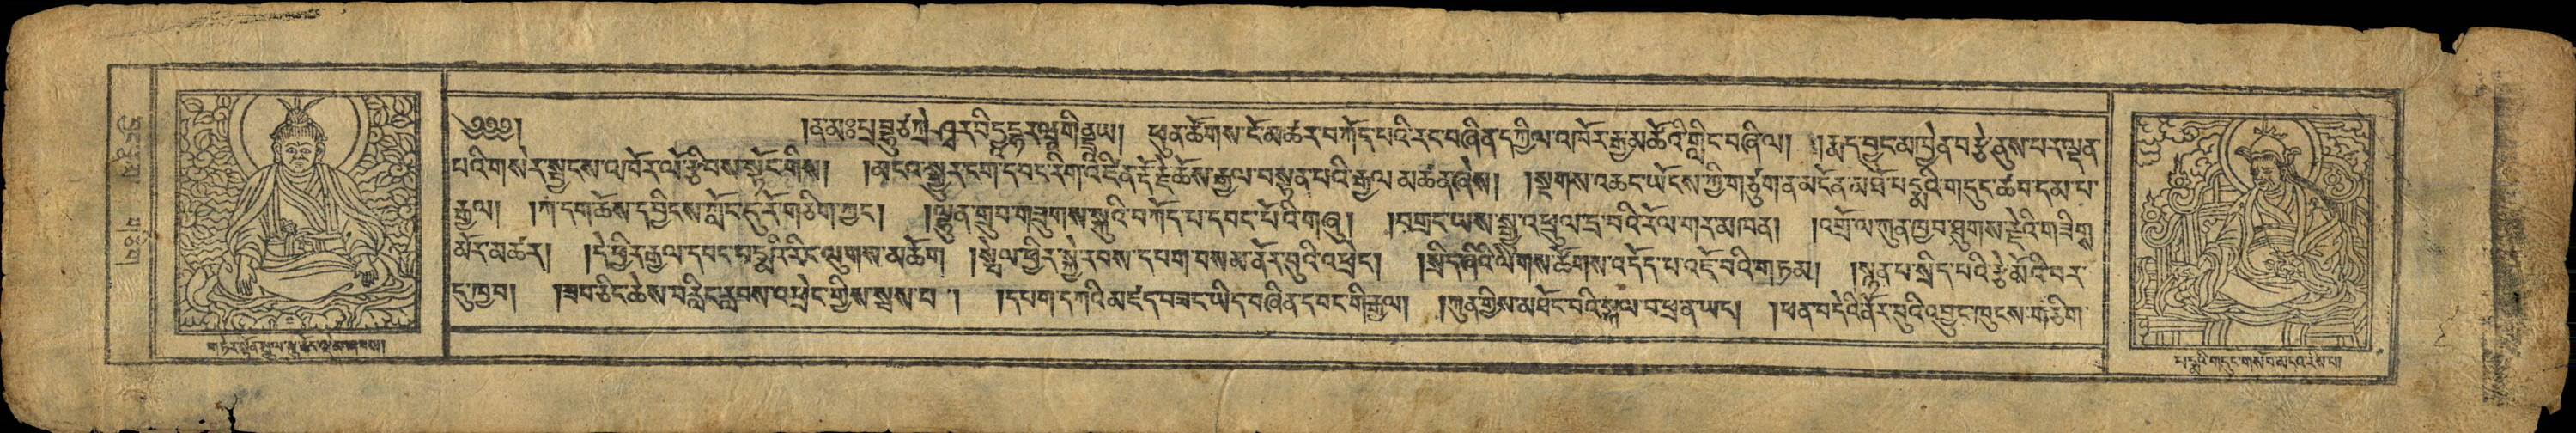༄༅༅། །ནམཿ པྲབྷུ་ཙཀྲེ་ཤྭ་ར་བིདྱཱདྷ་རཝ་གིནྡྲཱ་ཡ། ཕུན་ཚོགས་ངོ་མཚར་བཀོད་པའི་རང་བཞིན་དཀྱིལ་འཁོར་རྒྱ་མཚོའི་གླིང་བཞི་ལ། །རྨད་བྱུང་མཁྱེན་བརྩེ་ནུས་པར་ལྡན་
པའི་གསར་སྦྱངས་འཁོར་ལོ་རྩིབས་སྟོང་གིས། །མངའ་སྒྱུར་ངག་དབང་རིག་འཛིན་རྡོ་རྗེ་ཆོས་རྒྱལ་བསྟན་པའི་རྒྱལ་ན་ཞེས། །སྔགས་འཆང་ཡོངས་ཀྱི་གཙུག་ན་མངོན་མཐོ་པདམའི་གདུང་ཚབ་དམ་པ་
རྒྱལ། ཀ་དག་ཆོས་དབྱིངས་ཀློང་དུ་རོ་གཅིག་ཀྱང་། །ལྷུན་གྲུབ་གཟུགས་སྐུའི་བཀོད་པ་དབང་པོའི་གཞུ། །བགྲད་ཡས་སྒྱ་འཕྲུལ་དྲ་བའི་རོལ་གར་མཁན། །འགྲོ་ལ་ཀུན་ཁྱབ་ཐུགས་རྗེའི་གཟིགས་
མོར་མཚར། །དེ་ཕྱིར་རྒྱལ་དབང་པདམའི་རིང་ལུགས་མཆོག །སྤེལ་ཕྱིར་སྐྱེ་རབས་དཔག་བསམ་ནོར་བུའི་འཕྲེང་། །སྲིད་ཞིའི་ལེགས་ཚོགས་འདོད་པ་འཇོ་བའི་གཏམ། །སྙན་པ་སྲིད་པའི་རྩེ་མོའི་བར་
དུ་ཁྱབ། །ཟབ་ཅིང་ཆེས་བརླིང་རླབས་འཕྲེང་གྱིས་སྦས་པ། །དཔག་དཀའི་མཇད་བཟང་ཡིད་བཞིན་དབང་གི་རྒྱལ་།ཀུན་གྱིས་མཐོང་བའི་སྐལ་བ་ཕྲ་ན་ཡང་། །ཕན་བདེའི་ནོར་བུའི་འབྱུང་ཁུངས་གཅིག་